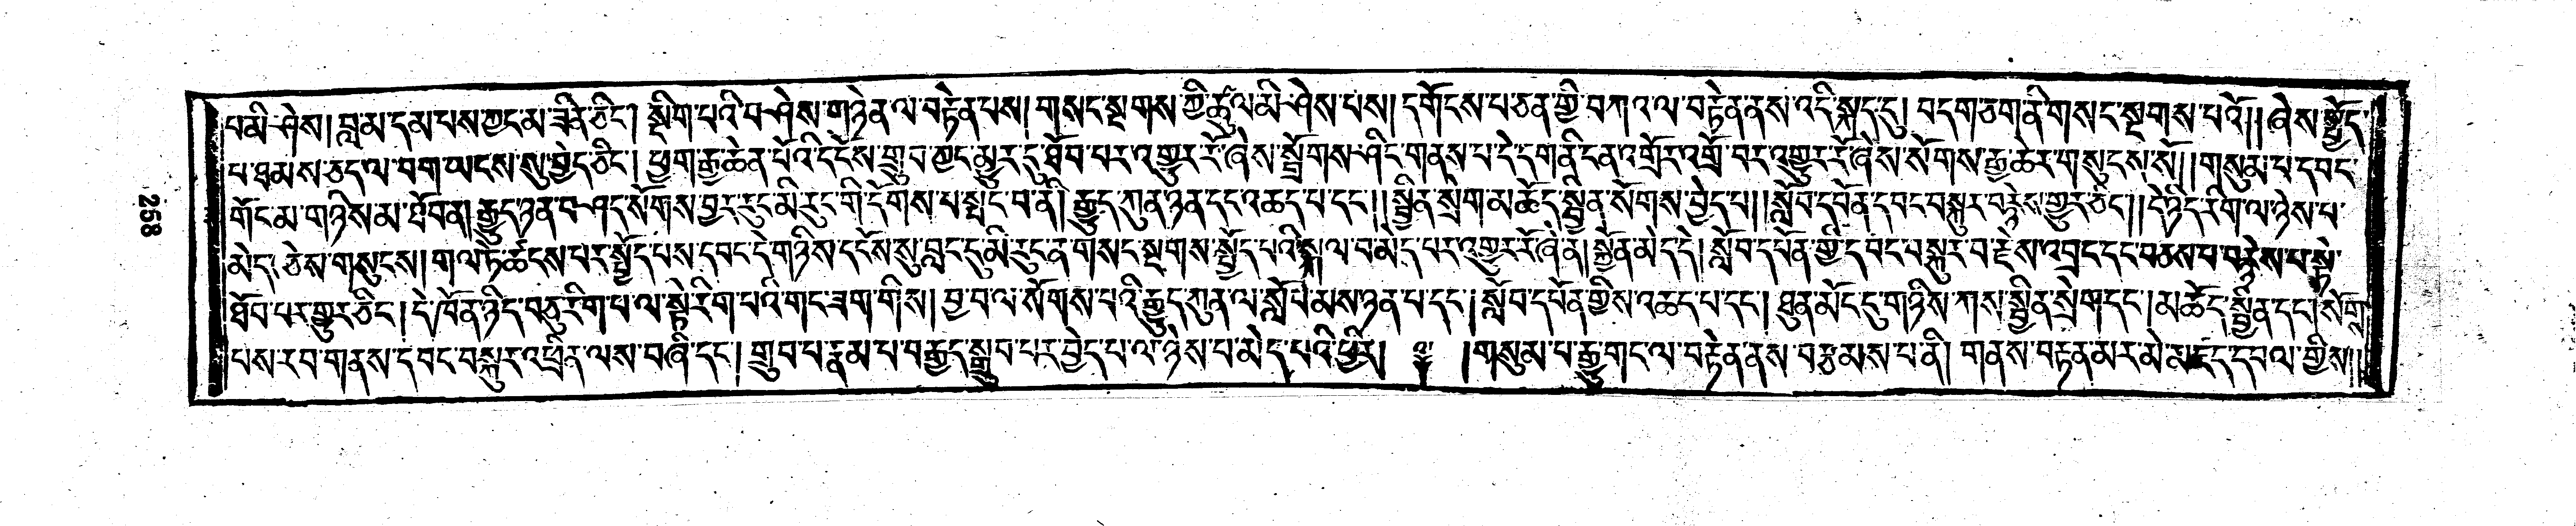པ་མི་ཤེས། བླ་མ་དམ་པས་ཀྱང་མ་ཟིན་ཅིང་། སྡིག་པའི་བཤེས་གཉེན་ལ་བརྟེན་པས། གསང་སྔགས་ཀྱི་ཚུལ་མི་ཤེས་པས། དགོངས་པ་ཅན་གྱི་བཀའ་ལ་བརྟེན་ནས་འདི་སྐད་དུ། བདག་ཅག་ནི་གསང་སྔགས་པའོ། །ཞེས་སྤྱོད་
པ་ཐམས་ཅད་ལ་བག་ཡངས་སུ་བྱེད་ཅིང་། ཕྱག་རྒྱ་ཆེན་པོའི་དངོས་གྲུབ་ཀྱང་མྱུར་དུ་ཐོབ་པར་འགྱུར་རོ་ཞེས་སྒྲོགས་ཤིང་གནས་པ་དེ་དག་ནི་ངན་འགྲོར་འགྲོ་བར་འགྱུར་རོ་ཞེས་སོགས་རྒྱ་ཆེར་གསུངས་སོ། །གསུམ་པ་དབང་
གོང་མ་གཉིས་མ་ཐོབ་ན། རྒྱུད་ཉན་བཤད་སོགས་བྱར་རུང་མི་རུང་གི་དོགས་པ་སྤང་བ་ནི། རྒྱུད་ཀུན་ཉན་དང་འཆད་པ་དང་། །སྦྱིན་སྲེག་མཆོད་སྦྱིན་སོགས་བྱེད་པ། །སློབ་དཔོན་དབང་བསྐུར་བརྙེས་གྱུར་ཅིང་། །དེ་ཉིད་རིག་ལ་ཉེས་པ་
མེད། ཅེས་གསུངས། གལ་ཏེ་ཚངས་པར་སྤྱོད་པས་དབང་དེ་གཉིས་དངོས་སུ་བླང་དུ་མི་རུང་ན་གསང་སྔགས་སྤྱོད་པའི་སྐལ་བ་མེད་པར་འགྱུར་རོ་ཞེ་ན། སྐྱོན་མེད་དེ། སློབ་དཔོན་གྱི་དབང་བསྐུར་བ་རྗེས་འབྲང་དང་བཅས་པ་བརྙེས་པ་སྟེ་
ཐོབ་པར་གྱུར་ཅིང་། དེ་ཁོ་ན་ཉིད་བཅུ་རིག་པ་ལ་སྟེ་རིག་པའི་གང་ཟག་གིས། བྱ་བ་ལ་སོགས་པའི་རྒྱུད་ཀུན་ལ་སློབ་མས་ཉན་པ་དང་། སློབ་དཔོན་གྱིས་འཆད་པ་དང་། ཐུན་མོང་དུ་གཉིས་ཀས་སྦྱིན་སྲེག་དང་། མཆོད་སྦྱིན་དང་། སོགས་
པས་རབ་གནས་དབང་བསྐུར་འཕྲིན་ལས་བཞི་དང་། གྲུབ་པ་རྣམ་པ་བརྒྱད་སྒྲུབ་པར་བྱེད་པ་ལ་ཉེས་པ་མེད་པའི་ཕྱིར། ༈ །གསུམ་པ་རྒྱུ་གང་ལ་བརྟེན་ནས་བརྩམས་པ་ནི། གནས་བརྟན་མར་མེ་མཛད་དཔལ་གྱིས། །